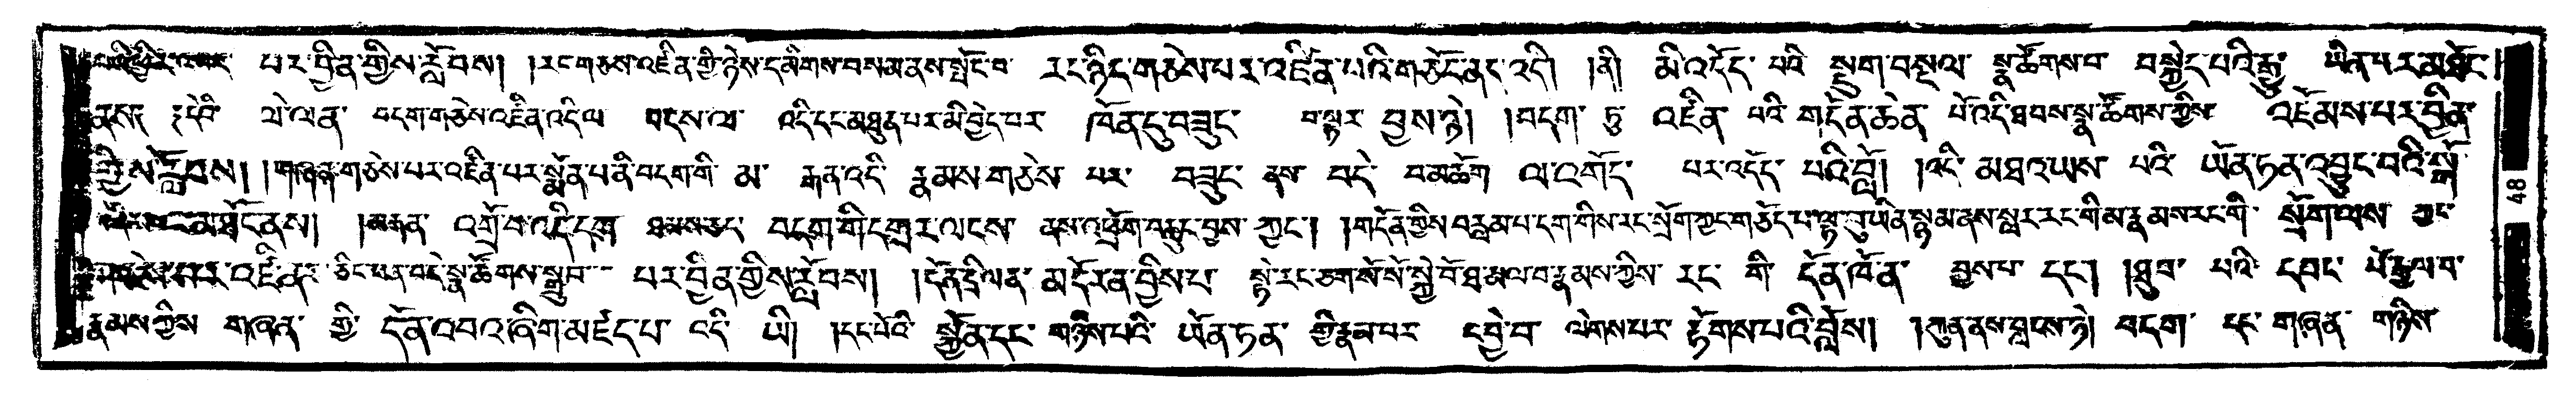པའི་ཕྱིར་འབད་པར་བྱིན་གྱིས་རློབས། །རང་གཅས་འཛིན་གྱི་ཉེས་དམིགས་བསམ་ནས་སྤོང་བ་རང་ཉིད་གཅེས་པར་འཛིན་པའི་གཅོང་ནད་འདི། །ནི། མི་འདོད་པའི་སྡུག་བསྔལ་སྣ་ཚོགས་པ་བསྐྱེད་པའི་རྒྱུ་ཡིན་པར་མཐོང་
ནས༑ ༑དེའི་ལེ་ལན་བདག་གཅེས་འཛིན་འདི་ལ་བདས་ལ་འདི་དང་མཐུན་པར་མི་བྱེད་པར་ཁོན་དུ་བཟུང་བསྟར་བྱས་ཉེ། །བདག་ཏུ་འཛིན་པའི་གདོན་ཆེན་པོ་འདི་ཐབས་སྣ་ཚོགས་ཀྱིས་འཇོམས་པར་བྱིན་
གྱིས་རློབས། །གཞན་གཅེས་པར་འཛིན་པར་སྨོན་པ་ནི་བདག་གི་མ་རྒན་འདི་རྣམས་གཅེས་པར་བཟུང་ནས་བདེ་བ་མཆོག་ལ་འགོད་པར་འདོད་པའི་བློ། །འདི་མཐའ་ཡས་པའི་ཡོན་ཏན་འབྱུང་བའི་སྒོ་
?་བཞིན་མང་མཐོང་ནས། །མྲྒན་འགྲོ་བ་འདི་དག་ཐམས་ཅད་བདག་གི་དགྲར་ལངས་ནས་འཕྲོག་བ་ཆུང་བྱས་ཀྱང་། །གདོན་གྱིས་བརླམ་པ་དག་གིས་རང་སྲོག་ཀྱང་གཅོད་པ་ལྟ་བུ་ཡིན་སྙམ་ནས་སླར་རང་གིས་རྣམས་རང་གི་སྲོག་ལས་ཀྱང་
གཅེས་པར་འཛིན་ཅིང་ཕན་བདེ་སྣ་ཚོགས་སྒྲུབ་པར་བྱིན་གྱིས་རློབས། །དོན་དྲི་ལན་མདོར་ན་བྱིས་པ་སྟེ་རང་ཅག་སོ་སོ་སྐྱེ་བོ་ཐ་མལ་བ་རྣམས་ཀྱིས་རང་གི་དོན་ཁོ་ན་བྱས་པ་དང་། །ཐུབ་པའི་དབང་པོ་རྒྱལ་བ་
རྣམས་ཀྱིས་གཞན་གྱི་དོན་འབའ་ཞིག་མཛད་པ་འདི་ཡི། །དང་པོའི་སྐྱོན་དང་གཉིས་པའི་ཡོན་ཏན་གྱི་རྣམ་པར་དབྱེ་བ་ལེགས་པར་རྟོགས་པའི་བློས། །ཀུན་ནས་བླངས་ཉེ། བདག་དང་གཞན་གཉིས་